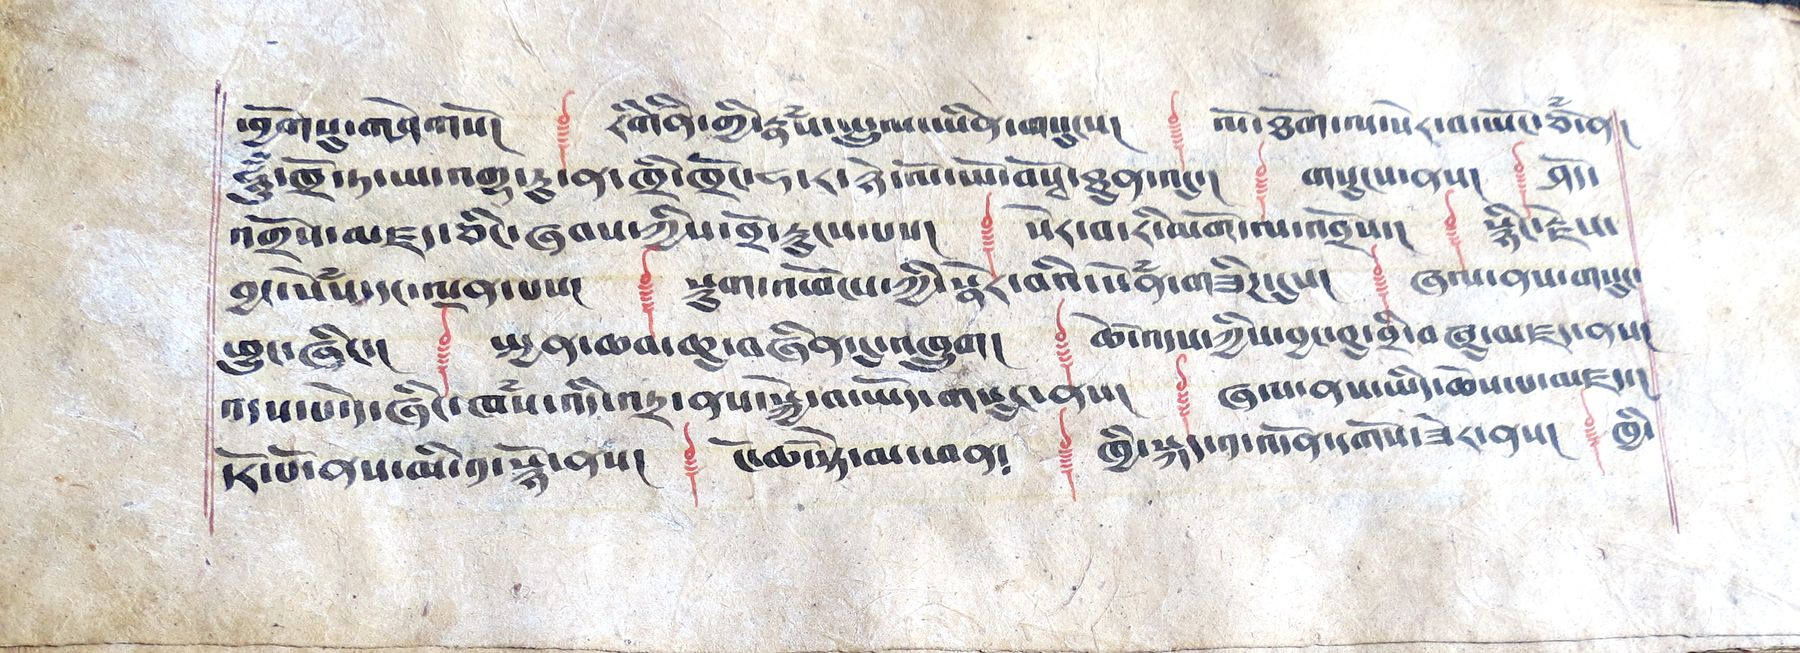ཕྱོགས་སུ་གཤེགས་སོང་། རིག་འཛིན་རྣམ་སྤྲུལ་ཡིན་གསུངས། ལོ་ཐོག་ལ་སེར་བ་ཡོང་ཙམ་ན། 
ཧཱུྂ་ཁྲོ་ཏ་ཡ་གྷ་རུ་ན་ཁྲི་ཁྲོང་ཧ་ར་ཉེ་ལོ་ཡོ་བསྭོ་ཐུན་འདུ། གསུངས་ནསཤོད་
འགྲོས་མཛད་ཅིང་ཞབས་བྲོ་བརྡུང་པས། སེར་བ་རི་མགོ་ལ་འབྲོས། སྙིང་རྗེས་
བྱང་སེམས་དང་ལྡན་པས་སྡུག་ཕོངས་ཀྱིས་མནར་བའི་སེམས་ཅན་གཟིགས་དུས། ཞལ་ནས་གསུང་
ཕྱུང་སྤྱན་ཆབ་ཆུ་བཞིན་ཏུ་འབྲུག ཚེ་འདས་བྱང་བུ་འབྲི་ཞུ་མཛད་ནས། 
འདས་པ་དེ་ཞིང་ཁམས་འདི་འདྲ་ན་སྐྱེ་བ་ཡོད་གསུངས་ནས། ཞལ་ནས་ཡིད་ཆེས་པ་མཛད། 
དོལ་པོ་ནས་ཀྱི་མི་ཞིག་སྙོ་ནས། ངོ་ཚ་སྟེ་མ་ཕན་ཁྱི་སྐད་ཅིག་འདོན་དགོས་ཟེར་ནས། ཁྱི་